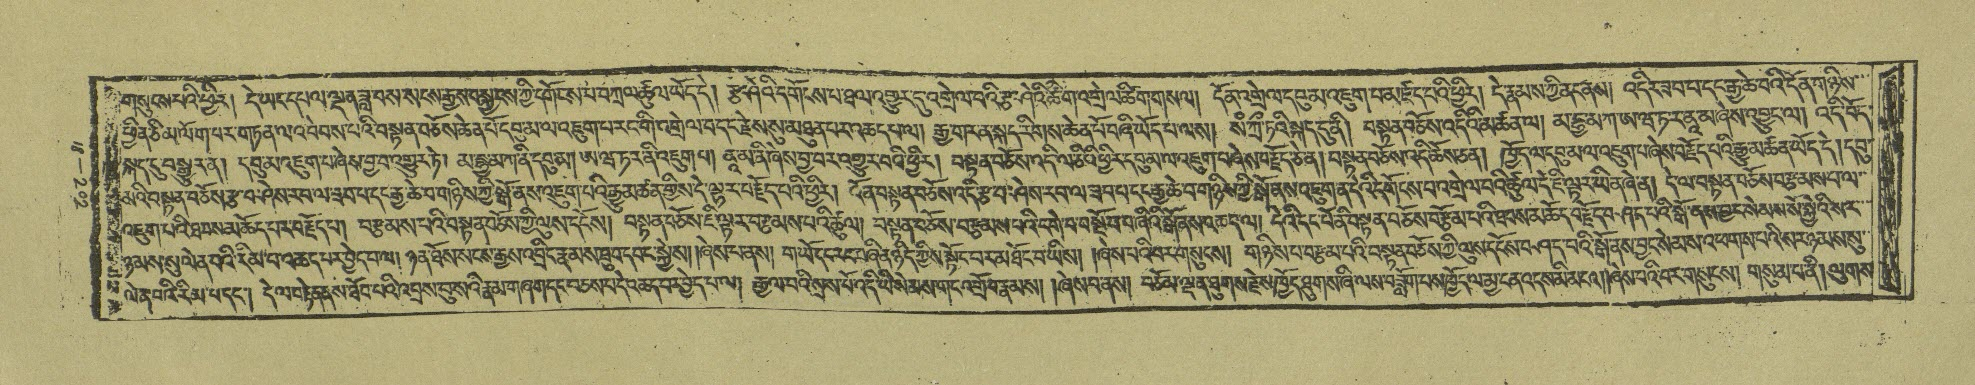གསུངས་པའི་ཕྱིར། དེ་ཡང་དཔལ་ལྡན་ཟླ་བས་སངས་རྒྱས་བསྐྱངས་ཀྱི་དགོངས་པ་བཀྲལ་ཚུལ་ཡོད་དེ། རྩ་ཤེའི་དགོངས་པ་ཐལ་འགྱུར་དུ་འགྲེལ་བའི་རྩ་ཤེའི་ཚིག་འགྲེལ་ཚིག་གསལ། དོན་འགྲེལ་དབུ་མ་འཇུག་པ་མཛད་པའི་ཕྱིར། དེ་རྣམས་ཀྱི་ནང་ནས། འདིར་ཟབ་པ་དང་རྒྱ་ཆེ་བའི་དོན་གཉིས་
ཕྱིན་ཅི་མ་ལོག་པར་གཏན་ལ་འབེབས་པའི་བསྟན་བཅོས་ཆེན་པོ་དབུ་མ་ལ་འཇུག་པ་རང་གི་འགྲེལ་བ་དང་རྗེས་སུ་མཐུན་པར་འཆད་པ་ལ། རྒྱ་གར་ན་སྐད་རིགས་ཆེན་པོ་བཞི་ཡོད་པ་ལས། སཾ་ཀྲྀ་ཏའི་སྐད་དུ་ནི། བསྟན་བཅོས་འདིའི་མཚན་ལ། མ་དྷྱ་མ་ཀ་ཨ་ཝ་ཏ་ར་ནཱ་མ་ཞེས་འབྱུང་ལ། འདི་བོད་
སྐད་དུ་བསྒྱུར་ན། དབུ་མ་འཇུག་པ་ཞེས་བྱ་བ་འགྱུར་ཏེ། མདྷྱ་མ་ཀ་ནི་དབུ་མ། ཨ་ཝ་ཏ་ར་ནི་འཇུག་པ། ནཱ་མ་ནི་ཞེས་བྱ་བར་འགྱུར་པའི་ཕྱིར། བསྟན་བཅོས་འདི་ལ་ཅིའི་ཕྱིར་དབུ་མ་ལ་འཇུག་པ་ཞེས་བརྗོད་ཅེ་ན། བསྟན་བཅོས་འདི་ཆོས་ཅན། ཁྱོད་ལ་དབུ་མ་ལ་འཇུག་པ་ཞེས་བརྗོད་པའི་རྒྱུ་མཚན་ཡོད་དེ། དབུ་
མའི་བསྟན་བཅོས་རྩ་བ་ཤེས་རབ་ལ་ཟབ་པ་དང་རྒྱ་ཆེ་བ་གཉིས་ཀྱི་སྒོ་ནས་འཇུག་པའི་རྒྱུ་མཚན་གྱིས་དེ་ལྟར་བརྗོད་པའི་ཕྱིར། འོ་ན་བསྟན་བཅོས་འདི་རྩ་བ་ཤེས་རབ་ལ་ཟབ་པ་དང་རྒྱ་ཆེ་བ་གཉིས་ཀྱི་སྒོ་ནས་འཇུག་ན་དེའི་དགོངས་པ་འགྲེལ་བའི་ཚུལ་དེ་ཇི་ལྟར་ཡིན་ཞེ་ན། དེ་ལ་བསྟན་བཅོས་བརྩམས་པ་ལ་
འཇུག་པའི་ཐབས་མཆོད་པར་བརྗོད་པ། བརྩམས་པའི་བསྟན་བཅོས་ཀྱི་ལུས་དངོས། བསྟན་བཅོས་ཇི་ལྟར་བརྩམས་པའི་ཚུལ། བསྟན་བཅོས་བརྩམས་པའི་དགེ་བ་བསྔོ་བ་བཞིའི་སྒོ་ནས་འཆད་ལ། དེའི་དང་པོ་ནི་བསྟན་བཅོས་བརྩོམ་པའི་ཐབས་མཆོད་བརྗོད་བཤད་པའི་སྒོ་ནས་བྱང་སེམས་སོ་སྐྱེའི་སར་
ཉམས་སུ་ལེན་པའི་རིམ་པ་འཆད་པར་བྱེད་པ་ལ། ཉན་ཐོས་སངས་རྒྱས་འབྲིང་རྣམས་ཐུབ་དབང་སྐྱེས། །ཞེས་པ་ནས། གཡོ་དང་རང་བཞིན་ཉིད་ཀྱིས་སྟོང་བར་མཐོང་བ་ཡིས། །ཞེས་པའི་བར་གསུངས། གཉིས་པ་བརྩམ་པའི་བསྟན་བཅོས་ཀྱི་ལུས་དངོས་བཤད་པའི་སྒོ་ནས་བྱང་སེམས་འཕགས་པའི་ས་ཉམས་སུ་
ལེན་པའི་རིམ་པ་དང་། དེ་ལ་བརྟེན་ནས་ཐོབ་པའི་འབྲས་བུ་སའི་རྣམ་གཞག་དང་བཅས་པ་དེ་འཆད་པར་བྱེད་པ་ལ། རྒྱལ་བའི་སྲས་པོ་འདི་ཡི་སེམས་གང་འགྲོ་པ་རྣམས། །ཞེས་པ་ནས། བཅོམ་ལྡན་ཐུགས་རྗེས་ཁྱོད་ཐུགས་ཞི་ལས་བཟློག་པས་ཁྱོད་ལ་མྱ་ངན་འདས་མི་མངའ། །ཞེས་བའི་བར་གསུངས། གསུམ་པ་ནི། ལུགས་